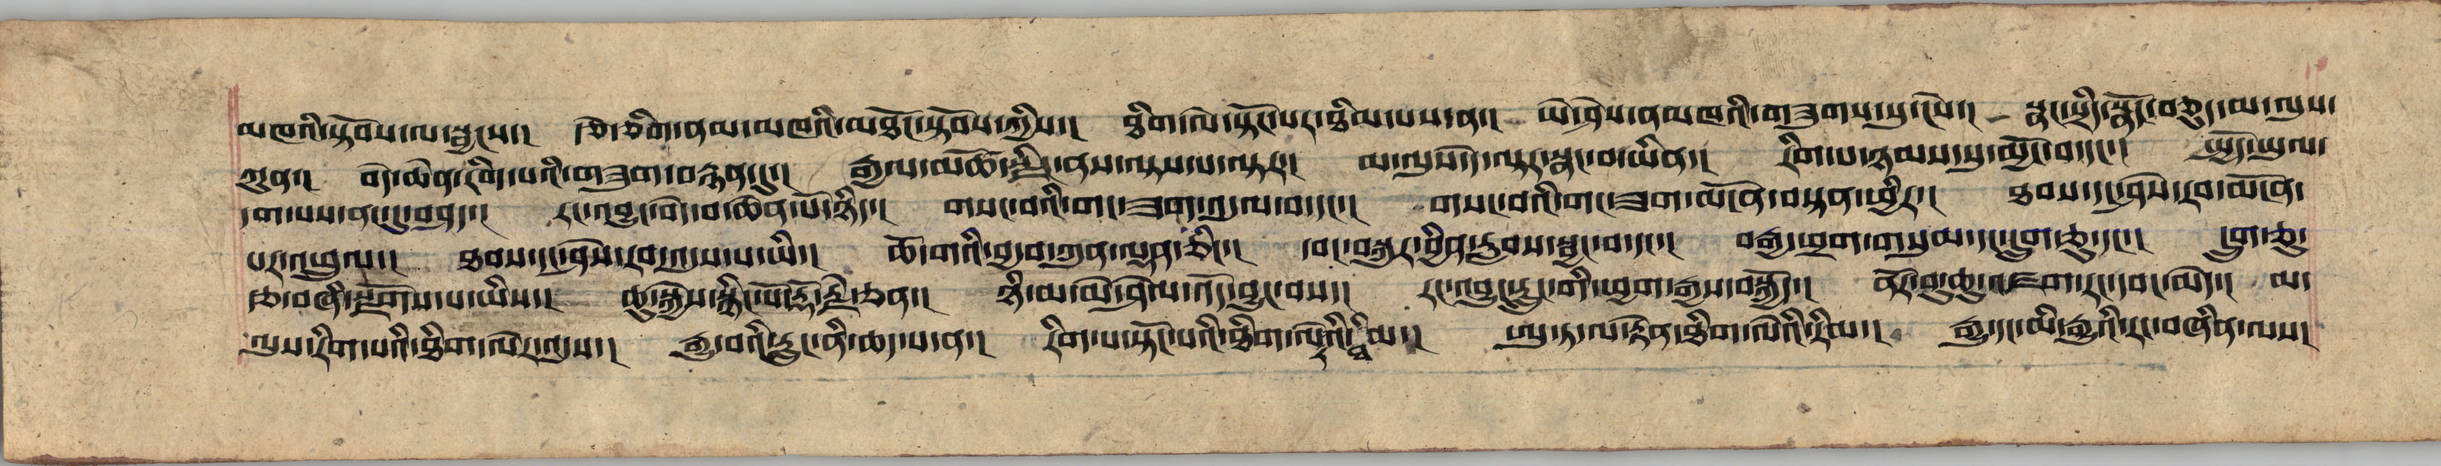མཁའི་སྟོབས་ལ་སྦྱངས་། རྩེ་ཅིག་ནམ་མཁའི་མཐོང་སྟོབས་ཀྱིས་། ཐིག་ལེ་སྟོང་པར་ཐིམ་པས་ན་། ཡེ་ཤེས་ནམ་ཁའི་གཟུགས་སུ་ངེས་། སྣང་སྲིད་སྣོད་བཅུད་མ་ལུས་
ཀུན་། བདེ་ཆེན་རིག་པའི་གཟུག་བརྙན་དུ་། རྒྱལ་མཚོ་སྫིང་ནས་ལྟས་པ་ལྟར་། མ་ལུས་དེ་ལྟར་སྣང་བ་ཡིན་། རིག་པ་ཉམས་སུ་མྱོང་བ་དང་། སྤྱོད་ཡུལ་
དག་པས་ནང་དུ་བཤད་། རང་འབྱུང་བདེ་བ་ཆེན་པོ་ཉིད་། གསང་བའི་གང་ཟག་འདུལ་བ་དང་། གསང་བའི་གང་ཟག་མངོན་བསྟན་ཕྱིར་། ཐབས་དང་ཤེས་རབ་མངོན་
པར་འཕྲུལ་། ཐབས་དང་ཤེས་རབ་འདུས་པ་ཡི་། ཆོ་གའི་བྱ་བ་ཀུན་ལྡན་ཅིང་། དབང་བསྐུར་བྱིན་རླབས་སྦྱང་བ་དང་། བརྒྱ་ཕྲག་གསུམ་དང་དྲུག་ཅུ་དང་། དྲུག་ཅུ་
རྩ་བཞི་སྫོགས་པ་ཡིས་། ཆུ་སྐྱེས་སྙིང་པོ་རྡོ་རྗེ་ཅན་། ཉི་མ་མེ་ཤེལ་འོད་བྱུང་བས་། རང་འབྱུང་རླུང་གི་ཕྱག་རྒྱས་བསྐྱོད་། ནོར་བུ་ཆུ་འཛག་རང་དབང་མེད་། མ་
ལུས་རིག་པའི་ཐིག་ལེར་འདུས་། རྒྱུ་བའི་རླུང་ནི་ཆད་པ་ན་། རིག་པ་སྟོང་པའི་ཐིག་ལེའི་ཐིམ་། ཨུ་ཏ་ལ་རྟེན་ཐིག་ལེའི་རིམ་། རྒྱུ་དང་མི་རྒྱུའི་རང་བཞིན་ལས།